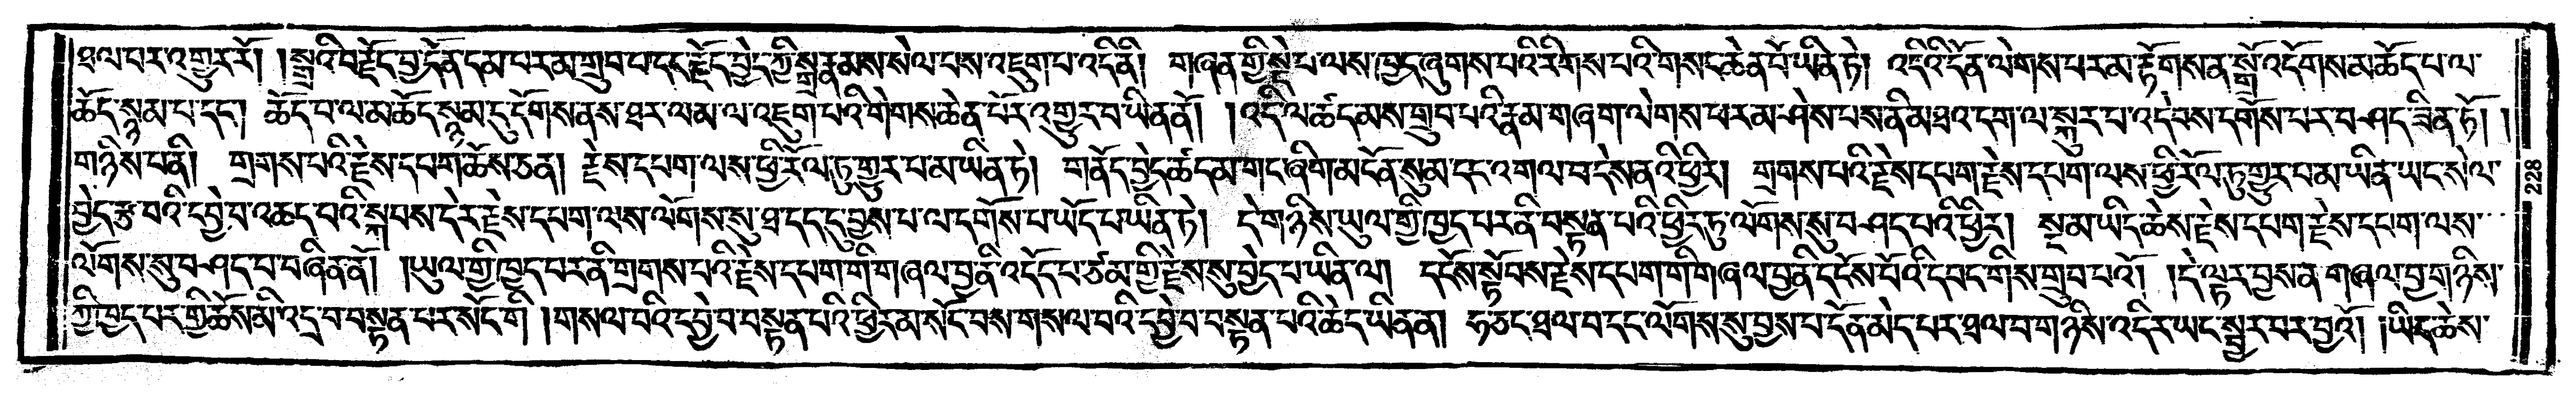ཐལ་བར་འགྱུར་རོ། །སྒྲའི་བརྗོད་བྱ་དོན་དམ་པར་མ་གྲུབ་པ་དང་རྗོད་བྱེད་ཀྱི་སྒྲ་རྣམས་སེལ་པས་འཇུག་པ་འདི་ནི། གཞན་གྱི་སྡེ་པ་ལས་ཁྱད་ཞུགས་པའི་རིགས་པའི་གསང་ཆེན་པོ་ཡིན་ཏེ། འདིའི་དོན་ལེགས་པར་མ་རྟོགས་ན་སྒྲོ་འདོགས་མཆོད་པ་ལ་
ཆོད་སྙམ་པ་དང་། ཆོད་པ་ལ་མཆོད་སྙམ་དུ་དོགས་ནས་ཐར་ལམ་ལ་འཇུག་པའི་གེགས་ཆེན་པོར་འགྱུར་བ་ཡིན་ནོ། །འདི་ལ་ཚད་མས་གྲུབ་པའི་རྣམ་གཞག་ལེགས་ཕར་མ་ཤེས་པས་ནི་མཐའ་དག་ལ་སྐུར་པ་འདེབས་དགོས་པར་བཤད་ཟིན་ཏོ། །
གཉིས་པ་ནི། གྲགས་པའི་རྗེས་དཔག་ཆོས་ཅན། རྗེས་དཔག་ལས་ཕྱི་རོལ་ཏུ་གྱུར་པ་མ་ཡིན་ཏེ། གནོད་བྱེད་ཚད་མ་གང་ཞིག་མངོན་སུམ་དང་འགལ་བ་དེས་ནའི་ཕྱིར། གྲགས་པའི་རྗེས་དཔག་རྗེས་དཔག་ལས་ཕྱི་རོལ་ཏུ་གྱུར་པ་མ་ཡིན་ཡང་སེལ་
བྱེད་རྩ་བའི་དབྱེ་བ་འཆད་པའི་སྐབས་དེར་རྗེས་དཔག་ལས་ལོགས་སུ་ཐ་དད་དུ་བྱས་པ་ལ་དགོས་པ་ཡོད་པ་མ་ཡིན་ཏེ། དེ་གཉིས་ཡུལ་གྱི་ཁྱད་པར་ནི་བསྟན་པའི་ཕྱིར་ཏུ་ལོགས་སུ་བཤད་པའི་ཕྱིར། སྔ་མ་ཡིད་ཆེས་རྗེས་དཔག་རྗེས་དཔག་ལས་
ལོགས་སུ་བཤད་པ་བཞིན་ནོ། །ཡུལ་གྱི་ཁྱད་པར་ནི་གྲགས་པའི་རྗེས་དཔག་གི་གཞལ་བྱ་ནི་འདོད་པ་ཙམ་གྱི་རྗེས་སུ་བྱེད་པ་ཡིན་ལ། དངོས་སྟོབས་རྗེས་དཔག་གི་གཞལ་བྱ་ནི་དངོས་པོའི་དབང་གིས་གྲུབ་པའོ། །དེ་ལྟར་བྱས་ན་གཞལ་བྱ་གཉིས་
ཀྱི་ཁྱད་པར་གྱི་ཆོས་མི་འདྲ་བ་བསྟན་པར་སོང་གི །གསལ་བའི་དབྱེ་བ་བསྟན་པའི་ཕྱིར་མ་སོང་བས་གསལ་བའི་དབྱེ་བ་བསྟན་པའི་ཆེད་ཡིན་ན། ཧ་ཅང་ཐལ་བ་དང་ལོགས་སུ་བྱས་པ་དོན་མེད་པར་ཐལ་བ་གཉིས་འདིར་ཡང་སྦྱར་བར་བྱའོ། །ཡིད་ཆེས་